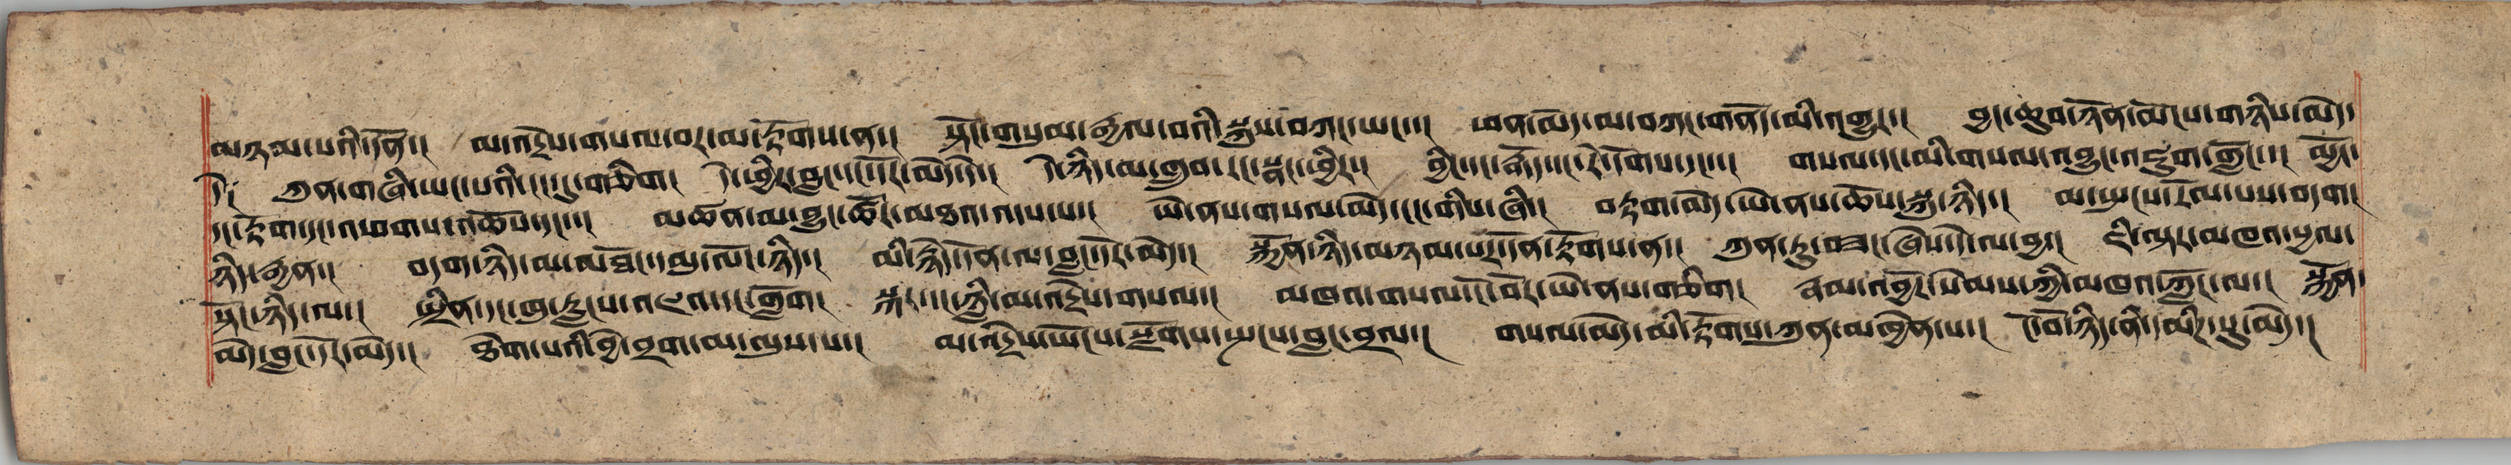མཉམ་པའི་དོན་། མ་འདྲེས་གསལ་བར་མ་རྟོགས་ན་། སྟོང་གསུམ་རྒྱལ་བའི་སྐུས་བཀང་ཡང་་། ཕན་མེད་མ་བཀང་གནོད་མི་འགྱུར་། བྱང་ཆུབ་ཉོན་མོངས་གཉིས་མེད་
༑ ཀུན་གཞི་ཡང་པའི་ངང་དུ་གཅིག། དེ་ཕྱིར་བླང་དང་དོར་མེད་དེ་། དེ་ཉིད་མ་གྲུབ་རང་སྣང་ཕྱིར་། བྱིང་དང་རྒོད་དང་རེ་དོགས་དང་་། གསལ་དང་མི་གསལ་འབྱུང་འཇུག་གློང་་། མྱོང་
དང་རྟོག་དང་འཕགས་འཆོས་དང་་། མཚན་མ་བྱུང་ཚོར་མཐའ་འདས་པ་། ཡེ་ནས་གསལ་མེད་ངང་གིས་ཞི་། བརྟག་མེད་ཡེ་ནས་ཆོས་སྐུ་ཉིད་། མ་སྤངས་རོལ་པས་བདག་
ཉིད་རྒྱན་། བདག་ཉིད་མ་མཐོང་དམུ་ལོང་ཉིད་། མི་རྙེད་དོན་ལ་བླང་དོར་མེད་། སྐྱོན་ཉིད་མཉམ་པར་དོན་རྟོགས་ན་། ཀུན་ཏུ་བཟང་ཞེས་དེ་ལ་བྱ་། ཇི་ལྟར་མཁའ་སྱལ་
སྟོང་ཉིད་ལ་། སྤྲིན་དང་ཁུ་རླངས་འཇའ་དང་གློག། སྐར་དང་ཉླི་མ་འདྲེས་གསལ་། མཁའ་གསལ་ངོ་བོར་ཡེ་ནས་གཅིག། རྣམ་འབྱོར་སེམས་ཀྱི་མཁའ་ཀློང་ལ་། སྐྱོན་
མེད་བླང་དོར་མེད་། ཐེག་པའི་བྱེ་བྲག་མ་ལུས་པ་། མ་འདྲེས་ཡོངས་སྫོགས་སྤངས་བླང་བྲལ་། གསལ་མེད་མི་རྟོགས་ཀུན་མཁྱེན་པ་། ངོ་བོ་ཉིད་ནི་དམིཌ་སུ་མེད་།